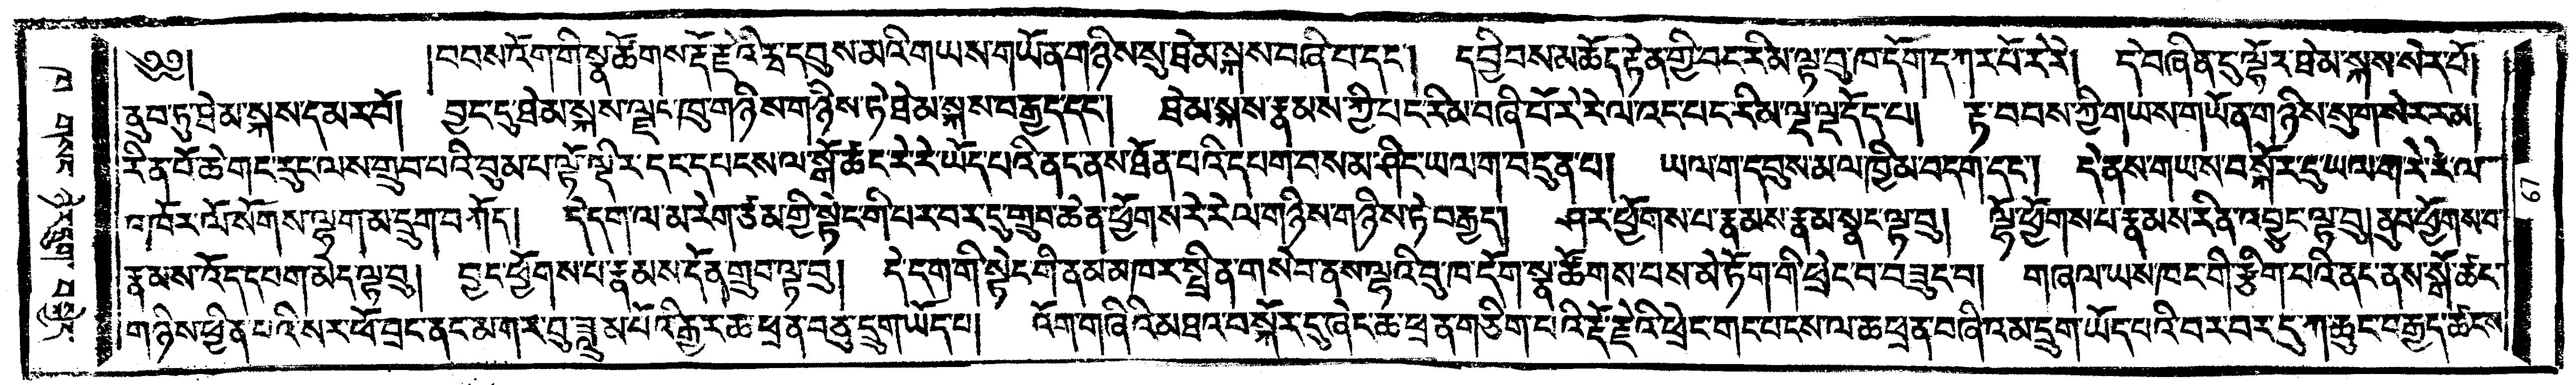༄༅། །བབས་འོག་གི་སྣ་ཚོགས་རྡོ་རྗེའི་རྭ་དབུས་མའི་གཡས་གཡོན་གཉིས་སུ་ཐེམ་སྐས་བཞི་པ་དང་། དབྱིབས་མཆོད་རྟེན་གྱི་བང་རིམ་ལྟ་བུ་ཁ་དོག་དཀར་པོ་རེ་རེ། དེ་བཞིན་དུ་ལྷོར་ཐེམ་སྐས་སེར་པོ།
ནུབ་ཏུ་ཐེམ་སྐས་དམར་པོ། བྱང་དུ་ཐེམ་སྐས་ལྗང་ཁུ་གཉིས་གཉིས་ཏེ་ཐེམ་སྐས་བརྒྱད་དང་། ཐེམ་སྐས་རྣམས་ཀྱི་པང་རིམ་བཞི་པོ་རེ་རེ་ལ་འང་བང་རིམ་ལྔ་ལྔ་དོད་པ། རྟ་བབས་ཀྱི་གཡས་གཡོན་གཉིས་སུ་གསེར་རམ།
རིན་པོ་ཆེ་གང་རུང་ལས་གྲུབ་པའི་བུམ་པ་ལྟོ་ལྡིར་དང་དཔངས་ལ་སྒོ་ཚང་རེ་རེ་ཡོད་པའི་ནང་ནས་ཐོན་པའི་དཔག་བསམ་ཤིང་ཡལ་ག་བདུན་པ། ཡལ་ག་དབུས་མ་ལ་ཁྱིམ་བདག་དང་། དེ་ནས་གཡས་བསྐོར་དུ་ཡལ་ག་རེ་རེ་ལ་
འཁོར་ལོ་སོགས་ལྷག་མ་དྲུག་བཀོད། དེ་དག་ལ་མ་རེག་ཙམ་གྱི་སྟེང་གི་པར་བར་དུ་གྲུབ་ཆེན་ཕྱོགས་རེ་རེ་ལ་གཉིས་གཉིས་ཏེ་བརྒྱད། ཤར་ཕྱོགས་པ་རྣམས་རྣམ་སྣང་ལྟ་བུ། ལྷོ་ཕྱོགས་པ་རྣམས་རིན་འབྱུང་ལྟ་བུ། ནུབ་ཕྱོགས་བ་
རྣམས་འོད་དཔག་མེད་ལྟ་བུ། བྱང་ཕྱོགས་པ་རྣམས་དོན་གྲུབ་ལྟ་བུ། དེ་དག་གི་སྟེང་གི་ནམ་མཁར་སྤྲིན་གསེབ་ནས་ལྷའི་བུ་ཁ་དོག་སྣ་ཚོགས་པས་མེ་ཏོག་གི་ཕྲེང་བ་བཟུང་བ། གཞལ་ཡས་ཁང་གི་རྩིག་པའི་ནང་ནས་སྒོ་ཚང་
གཉིས་ཕྱིན་པའི་སར་ཕོ་བྲང་ནང་མགར་བུ་ཟླུམ་པོའི་རྒྱར་ཆ་ཕྲན་བཅུ་དྲུག་ཡོད་པ། འོག་གཞིའི་མཐའ་བསྐོར་དུ་ཞེང་ཆ་ཕྲན་གཅིག་པའི་རྡོ་རྗེའི་ཕྲེང་གང་བ་ངས་ལ་ཆ་ཕྲན་བཞིའམ་དྲུག་ཡོད་པའི་བར་བར་དུ་ཀ་ཆུང་བརྒྱད་ཚངས་